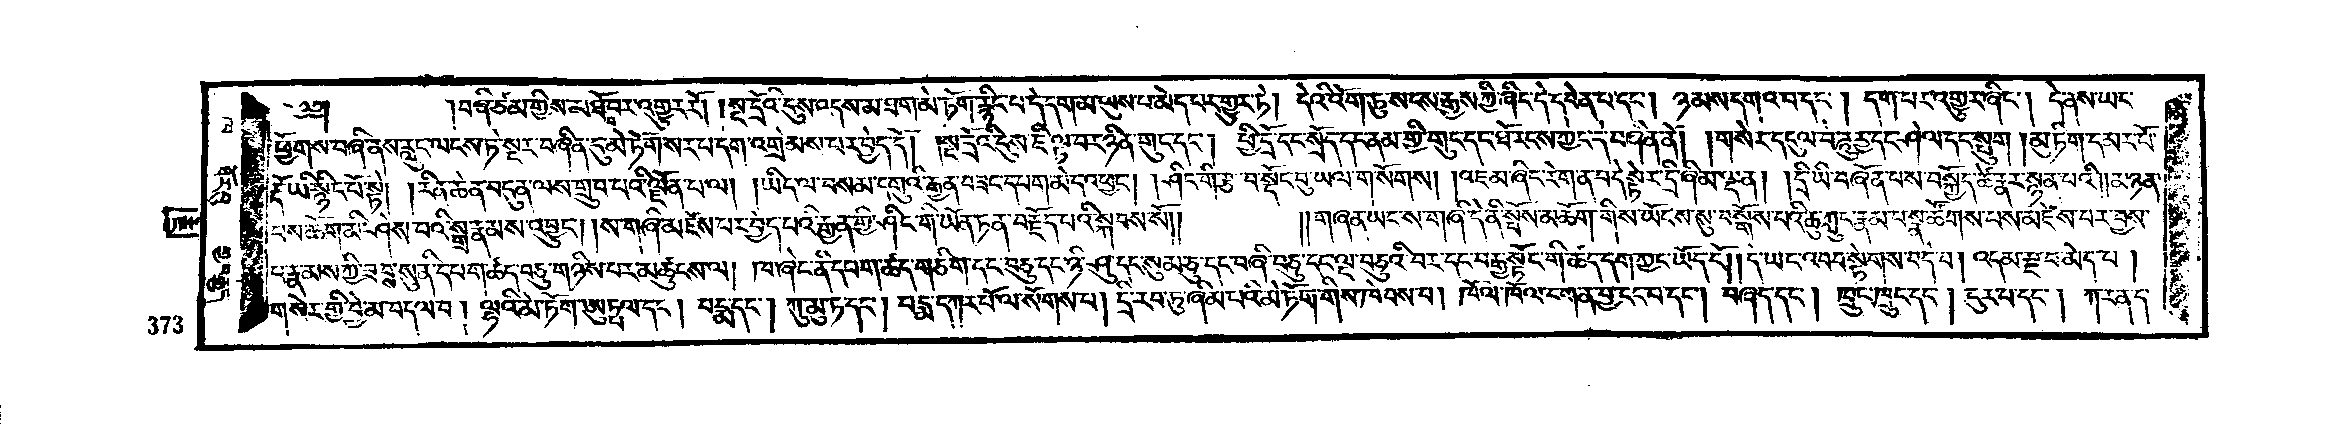༄༅། །བཞི་ཙམ་གྱིས་མཐོབ་པར་འགྱུར་རོ། །སྔ་དྲོའི་དུས་འདས་མ་ཐག་མེ་ཏོག་རྙིང་པ་དེ་དག་མ་ལུས་པ་མེད་པར་གྱུར་ཏེ། དེའི་འོག་ཏུ་སངས་རྒྱས་ཀྱི་ཞིང་དེ་དབེན་པ་དང་། ཉམས་དགའ་བ་དང་། དག་པར་འགྱུར་ཞིང་། དེ་ནས་ཡང་
ཕྱོགས་བཞི་ནས་རླུང་ལངས་ཏེ་སྔར་བཞིན་དུ་མེ་ཏོག་སར་པ་དག་འགྲེམས་པར་བྱེད་དོ། །སྔ་དྲོའི་དུས་ཇི་ལྟ་བར་ཉིན་གུང་དང་། ཕྱི་དྲོ་དང་སྲོད་དང་ནམ་གྱི་གུང་དང་ཐོ་རངས་ཀྱང་དེ་བཞིན་ནོ། །གསེར་དངུལ་བེཌཱུ་རྱ་དང་ཤེལ་དང་སྡུག །མུ་ཏིག་དམར་པོ་
རྡོ་ཡི་སྙིང་པོ་སྟེ། །རིན་ཆེན་བདུན་ལས་གྲུབ་པའི་ལྗོན་པ་ལ། །ཡིད་ལ་བསམ་དགུའི་རྒྱན་བཟང་དཔག་མེད་འཕྱང་། །ཤིང་གི་རྩ་བ་སྡོང་བུ་ཡལ་ག་སོགས། །འཇམ་ཞིང་རེག་ན་བདེ་སྟེར་དྲི་ཞིམ་ལྡན། །དྲི་ཡི་བཞོན་པས་བསྐྱོད་ཚེ་རྣར་སྙན་པའི། །མཉན་
པས་ཆོག་མི་ཤེས་པའི་སྒྲ་རྣམས་འབྱུང་། །ས་གཞི་མཛེས་པར་བྱེད་པའི་རྒྱན་གྱི་ཤིང་གི་ཡོན་ཏན་བརྗོད་པའི་སྐབས་སོ།། །།གཞན་ཡང་ས་གཞི་དེ་ནི་སྤོས་མཆོག་གིས་ཡོངས་སུ་བསྒོས་པའི་ཆུ་ཀླུང་རྣམ་པ་སྣ་ཚོགས་པས་མཛེས་པར་བྱས་
པ་རྣམས་ཀྱི་ཟབས་སུ་ནི་དཔག་ཚད་བཅུ་གཉིས་པར་མཚུངས་ལ། ཁ་ཞེང་ནི་དཔག་ཚད་གཅིག་དང་བཅུ་དང་ཉི་ཤུ་དང་སུམ་ཅུ་དང་བཞི་བཅུ་དང་ལྔ་བཅུའི་བར་དང་བརྒྱ་སྟོང་གི་ཚད་དག་ཀྱང་ཡོད་དོ། །དེ་ཡང་འབབ་སྟེགས་བདེ་བ། འདམ་རྫབ་མེད་པ།
གསེར་གྱི་བྱེ་མ་བདལ་བ། ལྷའི་མེ་ཏོག་ཨུཏྤལ་དང་། པདམ་དང་། ཀུ་མུ་ཏ་དང་། པདམ་དཀར་པོ་ལ་སོགས་པ། དྲི་རབ་ཏུ་ཞིམ་པའི་མེ་ཏོག་གིས་ཁེབས་པ། ཁོལ་ཁོལ་དག་ན་བྱ་ངང་པ་དང་། བཞད་དང་། ཁྲུང་ཁྲུང་དང་། ངུར་པ་དང་། ཀ་རན་ད་